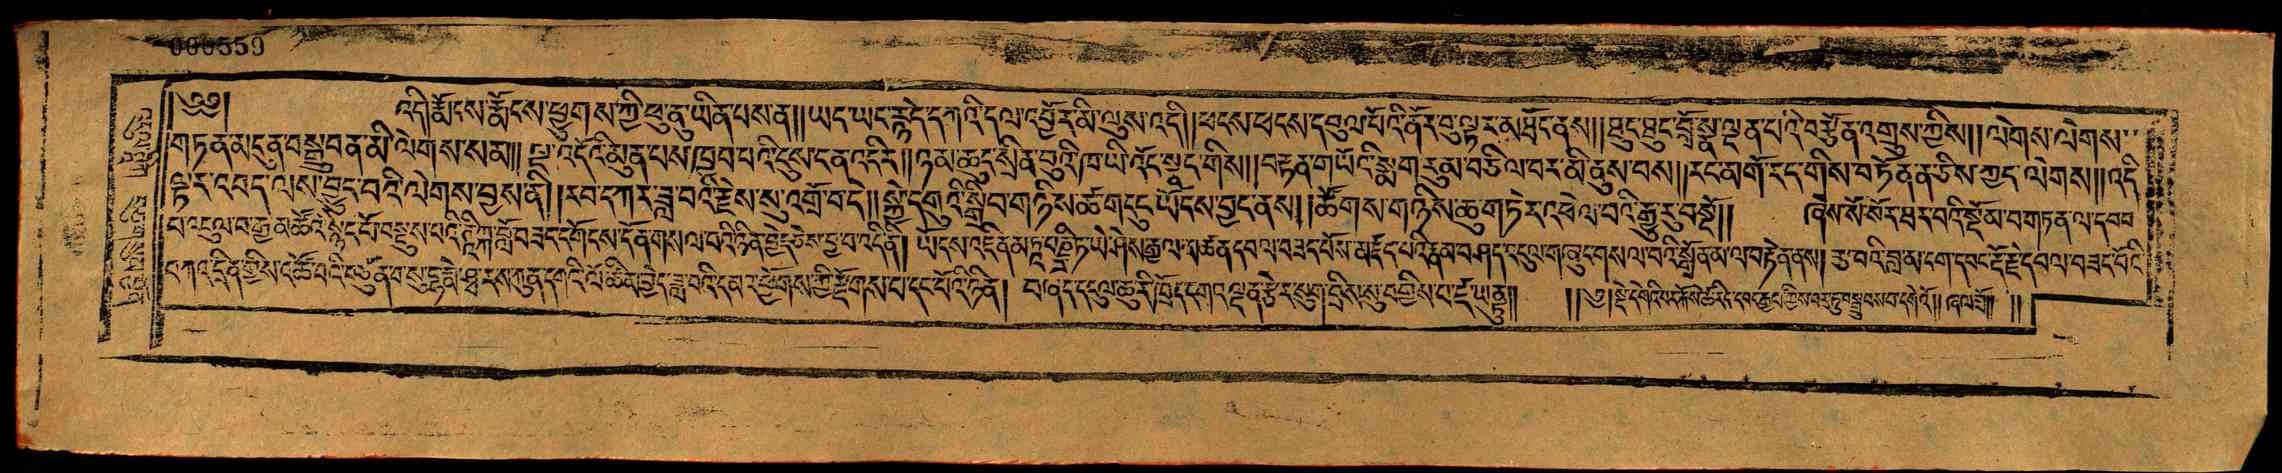༄༅། །འདི༑ །རྨོངས་རྨོངས་ཕྱུགས་ཀྱི་ཕུ་ནུ་ཡིན་པས་ན། །ཡང་ཡང་རྙེད་དཀའི་དལ་འབྱོར་མི་ལུས་འདི། །ཕངས་ཕངས་དབུལ་པོའི་ནོར་བུ་ལྟར་མཐོང་ནས། །ཐུང་ཐུང་བློ་སྣ་ལྡན་པའི་བརྩོན་འགྲུས་ཀྱིས། །ལེགས་ལེགས་
གཏན་མདུན་བསྒྲུབ་ན་མི་ལེགས་སམ། །ལྔ་བདོའི་མུན་པས་ཁྱབ་པའི་དུས་ངན་འདིར། །ཉམ་ཆུང་སྲིན་བུའི་ཁ་ཡི་འོད་སྡང་གིས། །བརྟན་གཡོའི་སྨག་རུམ་བཅིལ་བར་མི་ནུས་པས། །རང་མགོ་རང་གིས་བཏོན་ན་ཅིས་ཀྱང་ལེགས། །འདི་
ལྟར་འབད་ལས་བྱུང་བའི་ལེགས་བྱས་ནི། །རབ་དཀར་བྱ་བའི་རྗེས་སུ་འགྲོ་བ་དེ། །སྐྱེ་དགུའི་སྒྲིབ་གཉིས་ཚ་གདུང་ཡོངས་བྱང་ནས། །ཚོགས་གཉིས་ཆུ་གཏེར་འཕེལ་བའི་རྒྱུ་རུ་བསྔོ།། ཞེས་སོ་སོར་ཐར་པའི་སྡོམ་པ་གཏན་ལ་དབབ་
པ་འདུལ་བ་རྒྱ་མཚོའི་སྙིང་པོ་བསྡུས་པའི་ཊཱི་ཀྐ་བློ་བཟང་དགོངས་དོན་གསལ་བའི་ཉིན་བྱེད་ཅེས་བྱ་བ་འདི་ནི། ཡོངས་འཛིན་མཧཱ་པཎྜི་ཏ་ཡེ་ཤེས་རྒྱལ་མཚན་དཔལ་བཟང་པོས་མཛད་པའི་རྣམ་བཤད་འདུལ་གཞུང་གསལ་བའི་སྒྲོན་མེ་ལ་བརྟེན་ནས། རྩ་བའི་བླ་མ་ངག་དབང་རྡོ་རྗེ་དཔལ་བཟང་པོའི
བཀའ་དྲིན་གྱིས་འཚོ་བའི་བདུན་པ་སུ་དྷ་རྨེ་ནྡྲས་ཀུན་དགའི་ལོ་ཚིམ་བྱེད་ཟླ་བའི་དམའ་ཕྱོགས་ཀྱི་རྫོགས་པ་དང་པོའི་ཉིན། བཞད་དངུལ་ཆུ་རི་ཁྲོད་དགའ་ལྡན་རྩེར་སུག་བྲིས་སུ་བགྱིས་པ་ཛ་ཡནྟུ།། །།༄༅། སྡེ་དགེའི་པར་རྐོས་ཚེ་རིང་དབང་རྒྱལ་གྱིས་པར་ཏུ་བསྡུབས་པ་དགེའོ། །ཞལ་གྲོ། །།